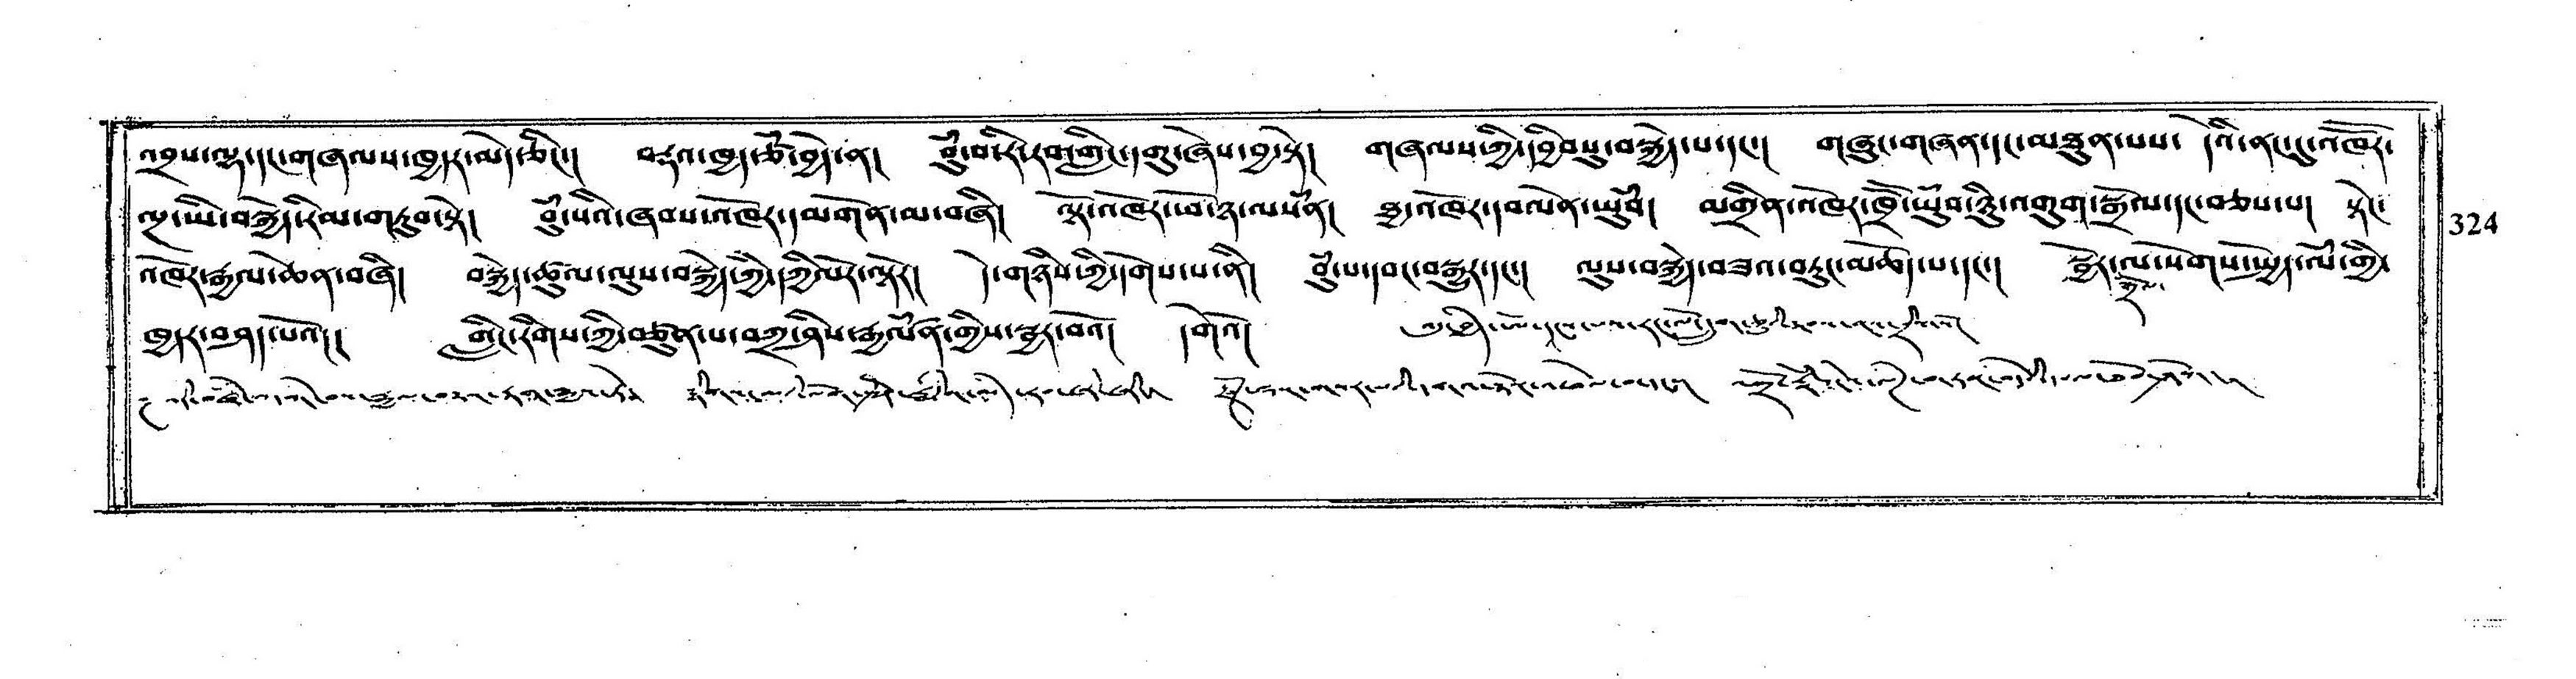འབྲས་ལྷ་དང་གཞལ་ཡས་ཁྱད་པར་མེད་ཅིང་། བརྡའ་ཁྱད་ཙམ་བྱེད་ན། བུམ་པ་རི་རབ་གླིང་དགུ་ཞེས་བྱ་སྟེ། གཞལ་ཡས་ཀྱི་དབྱིབས་སུ་བསྐྱེད་པ་དང་། གཞུང་གཞན་དང་མཐུན་པས་དེའི་ནང་དུ་འཁོར་ལོ་
ལྔ་ཡི་བསྐྱེད་རིམ་གཏུབ་སྟེ། བུམ་པའི་ཞབས་འཁོར་དམག་དཔོན་མ་བཞི། ལྷོ་འཁོར་ཕོ་ཉ་ལས་མཁན། ཐུགས་འཁོར་དབལ་ཆེན་ཡབ་ཡུམ། མགྲིན་འཁོར་ཁྲོ་བོ་ཡབ་ཡུམ་ཉི་ཤུ་འགུག་སྒྲོལ་དང་བཅས་པ། སྟེང་
འཁོར་རྒྱལ་ཆེན་བཞི། བསྐྱེད་ཚུལ་ལུས་བསྐྱེད་ཀྱི་དཀྱིལ་འཁོར་ལྟར་རོ། དེ་གཉིས་ཀྱི་དགོས་པ་ནི། བུམ་པ་དབང་བསྒྱུར་དང་། ལུས་བསྐྱེད་བཟའ་བཏུང་མཆོད་པ་དང་། སྦྱོར་སྒྲོལ་ལ་སོགས་སྤྱོད་ལམ་གྱི་
ཁྱད་པར་བཤད་པའོ།། གླིང་རིགས་ཀྱི་བཙུན་པ་བཀྲ་ཤིས་རྒྱལ་མཚན་གྱིས་སྦྱར་བའོ། དགེའོ། འདུ་བྱེད་ཨོ་དྭངས་པས་རང་ལོ་དྲུག་ཅུའི་སྐབས་ནས་བྲིས་པའོ། 
འདི་བཞེངས་དགེ་བས་རྒྱལ་བསྟན་རྟག་རྒྱས་ཏེ། །སྙིགས་མའི་ལོག་སྤྱོད་རྨེང་མེད་རབ་ཞི་ཞིང་། །རྫོགས་ལྡན་གསར་པའི་དགའ་སྟོན་འཕེལ་བ་དང་། །འགྲོ་རྣམས་ངེས་ལེགས་གཏན་བདེའི་དཔལ་ཐོབ་ཤོག། །།